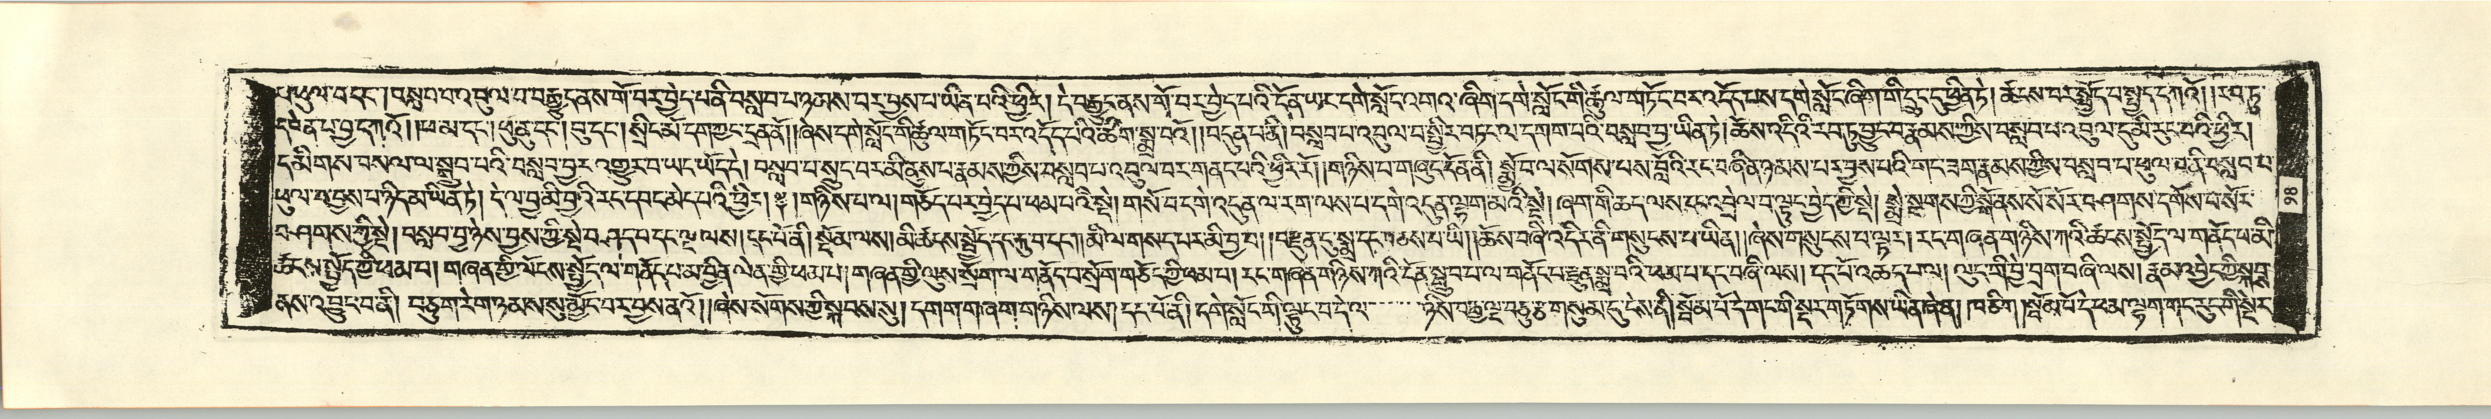པ་ཕུལ་བ་དང་། བསླབ་པ་འབུལ་བ་བརྒྱུད་ནས་གོ་བར་བྱེད་པ་ནི་བསླབ་པ་ཉམས་པར་བྱས་པ་ཡིན་པའི་ཕྱིར། དེ་བརྒྱུད་ནས་གོ་བར་བྱེད་པའི་དོན་ཡང་དགེ་སློང་འགའ་ཞིག་དགེ་སློང་གི་ཚུལ་གཏོང་བར་འདོད་པས་དགེ་སློང་ཞིག་གི་དྲུང་དུ་ཕྱིན་ཏེ། ཚངས་པར་སྤྱོད་པ་སྤྱད་དཀའོ། །རབ་ཏུ་
དཔེན་པ་བྱ་དཀའོ། །ཕ་མ་དང་། ཕུ་ནུ་དང་། བུ་དང་། སྲིང་མོ་དག་ཀྱང་དྲན་ནོ། །ཞེས་དགེ་སློང་གི་ཚུལ་གཏོང་བར་འདོད་པའི་ཚིག་སྨྲ་བའོ། །བདུན་པ་ནི། བསླབ་པ་འབུལ་བ་སྤྱིར་བཏང་ལ་དགག་པའི་བསླབ་བྱ་ཡིན་ཏེ། ཆོས་འདིའི་རབ་ཏུ་བྱུང་བ་རྣམས་ཀྱིས་བསླབ་པ་འབུལ་དུ་མི་རུང་བའི་ཕྱིར།
དམིགས་བསལ་ལ་སྒྲུབ་པའི་བསླབ་བྱར་འགྱུར་བ་ཡང་ཡོད་དེ། བསླབ་པ་སྲུང་བར་མི་ནུས་པ་རྣམས་ཀྱིས་བསླབ་པ་འབུལ་བར་གནང་པའི་ཕྱིར་རོ། །གཉིས་པ་གཞུང་དོན་ནི། སྨྱོ་བ་ལ་སོགས་པས་བློའི་རང་བཞིན་ཉམས་པར་བྱས་པའི་གང་ཟག་རྣམས་ཀྱིས་བསླབ་པ་ཕུལ་བ་ནི་བསླབ་པ་
ཕུལ་བ་བྱས་པ་ཉིད་མ་ཡིན་ཏེ། དེ་ལ་བྱ་མི་བྱའི་རང་དབང་མེད་པའི་ཕྱིར། ༈ །གཉིས་པ་ལ། གཅོད་པར་བྱེད་པ་ཕམ་པའི་སྡེ། གསོ་བ་དགེ་འདུན་ལ་རག་ལས་པ་དགེ་འདུན་ལྷག་མའི་སྡེ། ཞག་གི་ཆད་ལས་དང་འབྲེལ་བ་ལྟུང་བྱེད་ཀྱི་སྡེ། སྨྲེ་སྔགས་ཀྱི་སྒོ་ནས་སོ་སོར་བཤགས་དགོས་པ་སོར་
བཤགས་ཀྱི་སྡེ། བསླབ་བྱ་ཉེས་བྱས་ཀྱི་སྡེ་བཤད་པ་དང་ལྔ་ལས། དང་པོ་ནི། སྡོམ་ལས། མི་ཚངས་སྤྱོད་དང་རྐུ་བ་དང་། །མི་ལ་གསད་པར་མི་བྱ་བ། །བརྫུན་དུ་སྨྲ་དང་བཅས་པ་ཡི། །ཆོས་བཞི་འདིར་ནི་གསུངས་པ་ཡིན། །ཞེས་གསུངས་པ་ལྟར། རང་གཞན་གཉིས་ཀའི་ཚངས་སྤྱོད་ལ་གནོད་པ་མི་
ཚངས་སྤྱོད་ཀྱི་ཕམ་པ། གཞན་གྱི་ལོངས་སྤྱོད་ལ་གནོད་པ་མ་བྱིན་ལེན་གྱི་ཕམ་པ། གཞན་གྱི་ལུས་སྲོག་ལ་གནོད་པ་སྲོག་གཅོད་ཀྱི་ཕམ་པ། རང་གཞན་གཉིས་ཀའི་དོན་སྒྲུབ་པ་ལ་གནོད་པ་རྫུན་སྨྲ་བའི་ཕམ་པ་དང་བཞི་ལས། དང་པོ་འཆད་པ་ལ། ལུང་གི་བྱེ་བྲག་བཞི་ལས། རྣམ་འབྱེད་ཀྱི་སྐབས་
ནས་འབྱུང་བ་ནི། བཅུག་རེག་ཉམས་སུ་མྱོང་བར་བྱས་ནའོ། །ཞེས་སོགས་ཀྱི་སྐབས་སུ། དགག་གཞག་གཉིས་ལས། དང་པོ་ནི། དགེ་སློང་གི་ལྟུང་བ་དེ་ལ་ཉིས་བརྒྱ་ལྔ་བཅུ་རྩ་གསུམ་དུ་ངེས་ནི། སྦོམ་པོ་དེ་གང་གི་སྔར་གཏོགས་ཡིན་ཞེ་ན། ཁ་ཅིག །སྦོམ་པོ་དེ་ཕམ་ལྷག་གང་རུང་གི་སྡེར་